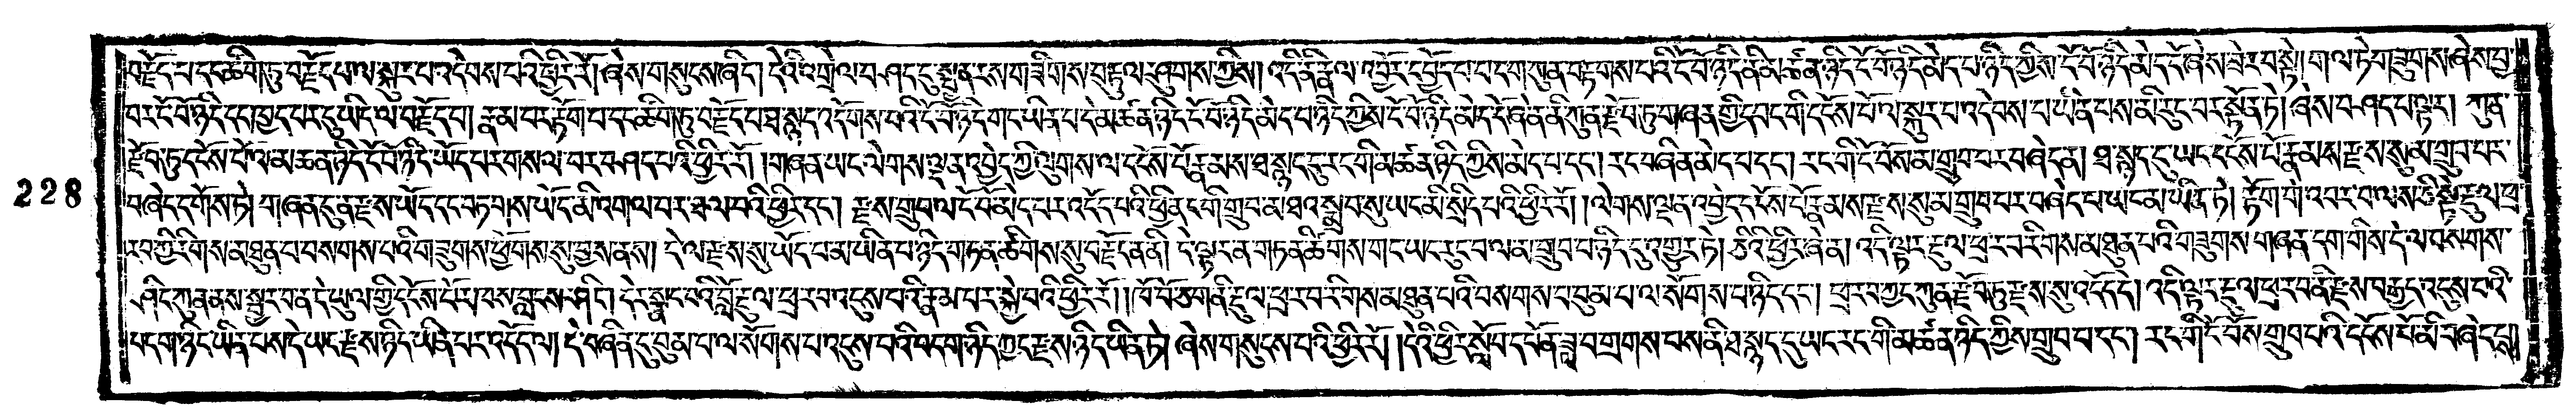བརྗོད་པ་དང་ཚིག་ཏུ་བརྗོད་པ་ལ་སྐུར་པ་འདེབས་པའི་ཕྱིར་རོ། ཞེས་གསུངས་ཞིང་། དེའི་འགེལ་བཤད་དུ་སྤྱན་རས་གཟིགས་བརྟུལ་ཤུགས་ཀྱིས། འདི་ནི་རྣལ་འབྱོར་དཔྱོད་པ་པ་དག་ཀུན་བརྟགས་པའི་ངོ་བོ་ཅིང་ནི་མཚན་ཉིད་ངོ་བོ་ཉིད་མེད་པ་ཉིད་ཀྱིས་ངོ་བོ་ཉིད་མེད་དོ་ཞེས་ཟེར་བ་སྟེ། གལ་ཏེ་གཟུགས་ཞེས་བྱ་
བར་ངོ་བོ་ཉིད་དང་ཁྱད་པར་དུ་ཡིད་ལ་བརྗོད་པ། རྣམ་པར་རྟོག་པ་དང་ཚིག་ཏུ་བརྗོད་པ་ཐ་སྙད་འདོགས་པའི་ངོ་བོ་ཉིད་གང་ཡིན་པ་དེ་མཚན་ཉིད་ངོ་བོ་ཉིད་མེད་པ་ཉིད་ཀྱིས་ངོ་བོ་ཉིད་མེད་དོ་ཞེ་ན་ནི་ཀུན་རྫོབ་ཏུ་གཞན་གྱི་དབང་གི་དངོས་པོ་ལ་སྐུར་པ་འདེབས་པ་ཡིན་པས་མི་རུང་བར་སྟོན་ཏེ། ཞེས་བཤད་པ་ལྟར། ཀུན་
རྫོབ་ཏུ་དངོས་པོ་ལ་མཚན་ཉིད་ངོ་བོ་ཉིད་ཡོད་པར་གསལ་བར་བཤད་པའི་ཕྱིར་རོ། །གཞན་ཡང་ལེགས་ལྡན་འབྱེད་ཀྱི་ལུགས་ལ་དངོས་པོ་རྣམས་ཐ་སྙད་དུ་རང་གི་མཚན་ཉིད་ཀྱིས་མེད་པ་དང་། རང་བཞིན་མེད་པ་དང་། རང་གི་ངོ་བོས་མ་གྲུབ་བར་བཞེད་ན། ཐ་སྙད་དུ་ཡང་དངོས་པོ་རྣམས་རྫས་སུ་མ་གྲུབ་པར་
བཞེད་དགོས་ཏེ། གཞན་དུ་ན་རྫས་ཡོད་དང་བཏགས་ཡོད་མི་འགལ་བར་ཐལ་བའི་ཕྱིར་དང་། རྫས་གྲུབ་ལ་ངོ་བོ་མེད་པར་འདོད་པའི་ཕྱི་ནང་གི་གྲུབ་མཐའ་སྨྲ་བ་སུ་ཡང་མི་སྲིད་པའི་ཕྱིར་རོ། །ལེགས་ལྡན་འབྱེད་དངོས་པོ་རྣམས་རྫས་སུ་མ་གྲུབ་པར་བཞེད་པ་ཡང་མ་ཡིན་ཏེ། རྟོག་གེ་འབར་བ་ལས་ཅི་སྟེ་རྡུལ་ཕྲ་
རབ་ཀྱི་རིགས་མཐུན་པ་བསགས་པའི་གཟུགས་ཕྱོགས་སུ་བྱས་ནས། དེ་ལ་རྫས་སུ་ཡོད་པ་མ་ཡིན་པ་ཉིད་གཏན་ཚིགས་སུ་བརྗོད་ན་ནི། དེ་ལྟར་ན་གཏན་ཚིགས་གང་ཡང་རུང་བ་ལ་མ་གྲུབ་པ་ཉིད་དུ་འགྱུར་ཏེ། ཅིའི་ཕྱིར་ཞེ་ན། འདི་ལྟར་རྡུལ་ཕྲ་རབ་རིགས་མཐུན་པའི་གཟུགས་གཞན་དག་གིས་དེ་ལ་བསགས་
ཤིང་ཀུན་ནས་སྦྱར་བ་ན་དེ་ཡུལ་གྱི་དངོས་པོར་ཁས་བླངས་ཤིང་། དེར་སྣང་བའི་བློ་རྡུལ་ཕྲ་རབ་འདུས་པའི་རྣམ་པར་སྐྱེ་བའི་ཕྱིར་རོ། །ཁོ་བོ་ཅག་ནི་རྡུལ་ཕྲ་རབ་རིགས་མཐུན་པའི་བསགས་པ་བུམ་པ་ལ་སོགས་པ་ཉིད་དང་། ཕྲ་རབ་ཀྱང་ཀུན་རྫོབ་ཏུ་རྫས་སུ་འདོད་དེ། འདི་ལྟར་རྡུལ་ཕྲ་རབ་ནི་རྫས་བརྒྱད་འདུས་བའི་
བདག་ཉིད་ཡིན་པས་དེ་ཡང་རྫས་ཉིད་ཡིན་པར་འདོད་ལ། དེ་བཞིན་དུ་བུམ་པ་ལ་སོགས་པ་འདུས་པའི་བདག་ཉིད་ཀྱང་རྫས་ཉིད་ཡིན་ཏེ། ཞེས་གསུངས་པའི་ཕྱིར་རོ། །དེའི་ཕྱིར་སློབ་དཔོན་ཟླ་བ་གྲགས་པས་ནི་ཐ་སྙད་དུ་ཡང་རང་གི་མཚན་ཉིད་ཀྱིས་གྲུབ་པ་དང་། རང་གི་ངོ་བོས་གྲུབ་པའི་དངོས་པོ་མི་བཞེད་པས།